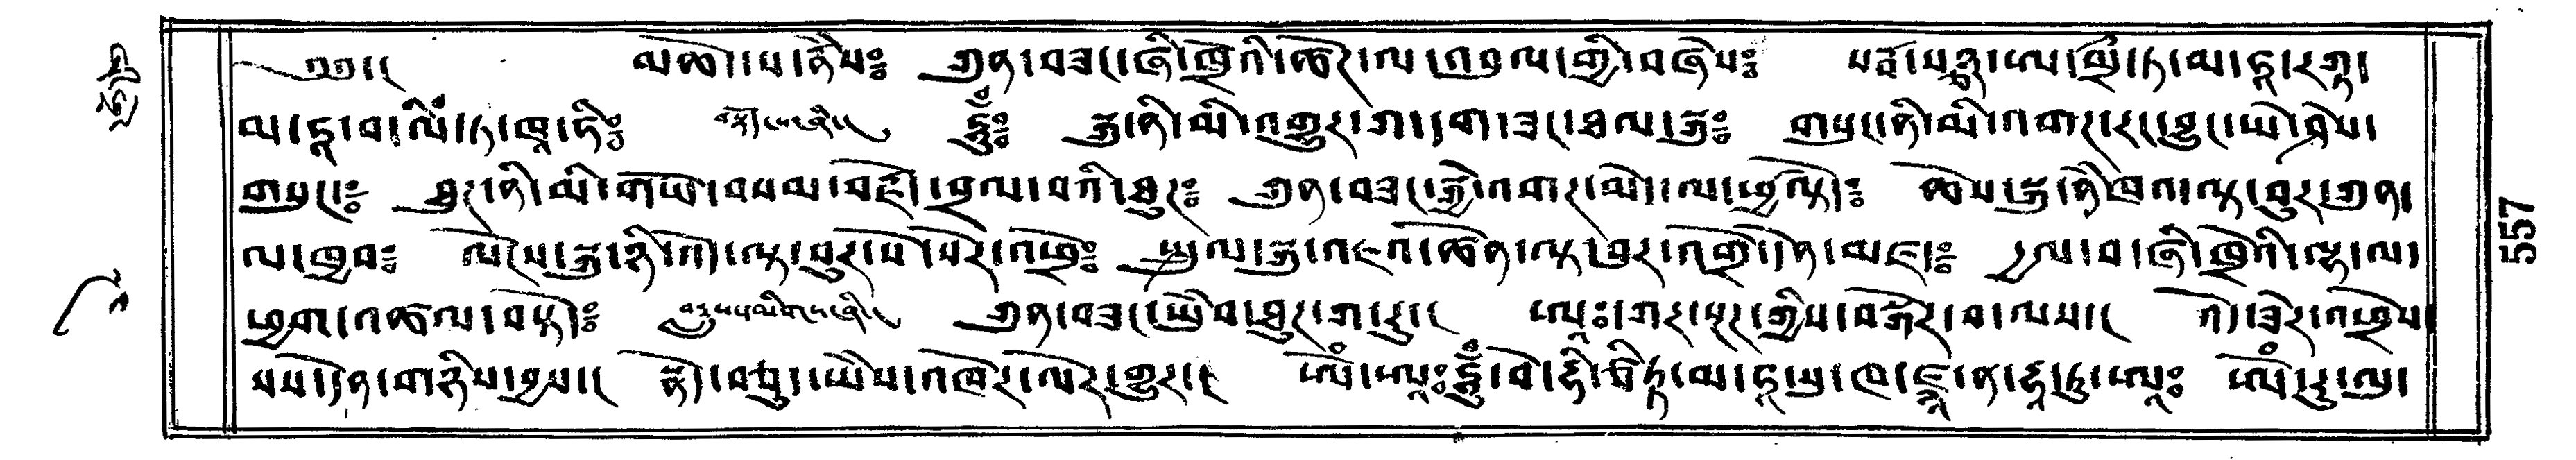མཆོད་པ་རྣམས༔ ཀུན་བཟང་ཞི་ཁྲོའི་ཚོགས་ལ་འབུལ་གྱི་བཞེས༔ སརྦ་པཉྩ་ཨ་མྲྀ་ཏ་མ་ཧཱ་རཀྟ་
མ་ཧཱ་བ་ལིཾ་ཏ་ཁཱ་ཧི༔ བསྟོད་པ་ནི། ཧཱུྃ༔ སྐུ་ནི་མི་འགྱུར་ཀ་དག་ཟང་ཐལ་སྐུ༔ གསུང་ནི་མི་འགགས་རང་བྱུང་ཡེ་ཤེས་
གསུང༔ ཐུགས་ནི་མི་གཡོ་བསམ་བརྗོད་བྲལ་བའི་ཐུགས༔ ཀུན་བཟང་སྐྱེ་འགགས་མེད་ལ་ཕྱག་འཚལ་བསྟོད༔ ཆོས་སྐུ་ནམ་མཁའ་ལྟ་བུར་ཀུན་
ལ་ཁྱབ༔ ལོངས་སྐུ་ཉི་འོད་ལྟ་བུར་སོ་སོར་འཕྲོ༔ སྤྲུལ་སྐུ་འཇའ་ཚོན་ལྟ་བུར་འགྲོ་དོན་མཛད༔ རྒྱལ་བ་ཞི་ཁྲོའི་ལྷ་ལ་
ཕྱག་འཚལ་བསྟོད༔ བཟླས་དམིགས་ནི། ཀུན་བཟང་ཡབ་ཡུམ་ཐུགས་ཀ་རུ། །ཨཱཿདཀར་སྔགས་ཀྱིས་བསྐོར་བ་ལས།འོད་ཟེར་འཕྲོས་
པས་དོན་གཉིས་བྱས། །སྣོད་བཅུད་ཡབ་ཡུམ་འཁོར་ལོར་གྱུར། ཨོཾ་ཨཱཿཧཱུྃ་བོ་དྷི་ཙིཏྟ་མ་ཧཱ་སུ་ཁ་ཛྙཱ་ན་དྷ་ཏུ་ཨཱཿ ཨོཾ་རུ་ལུ་